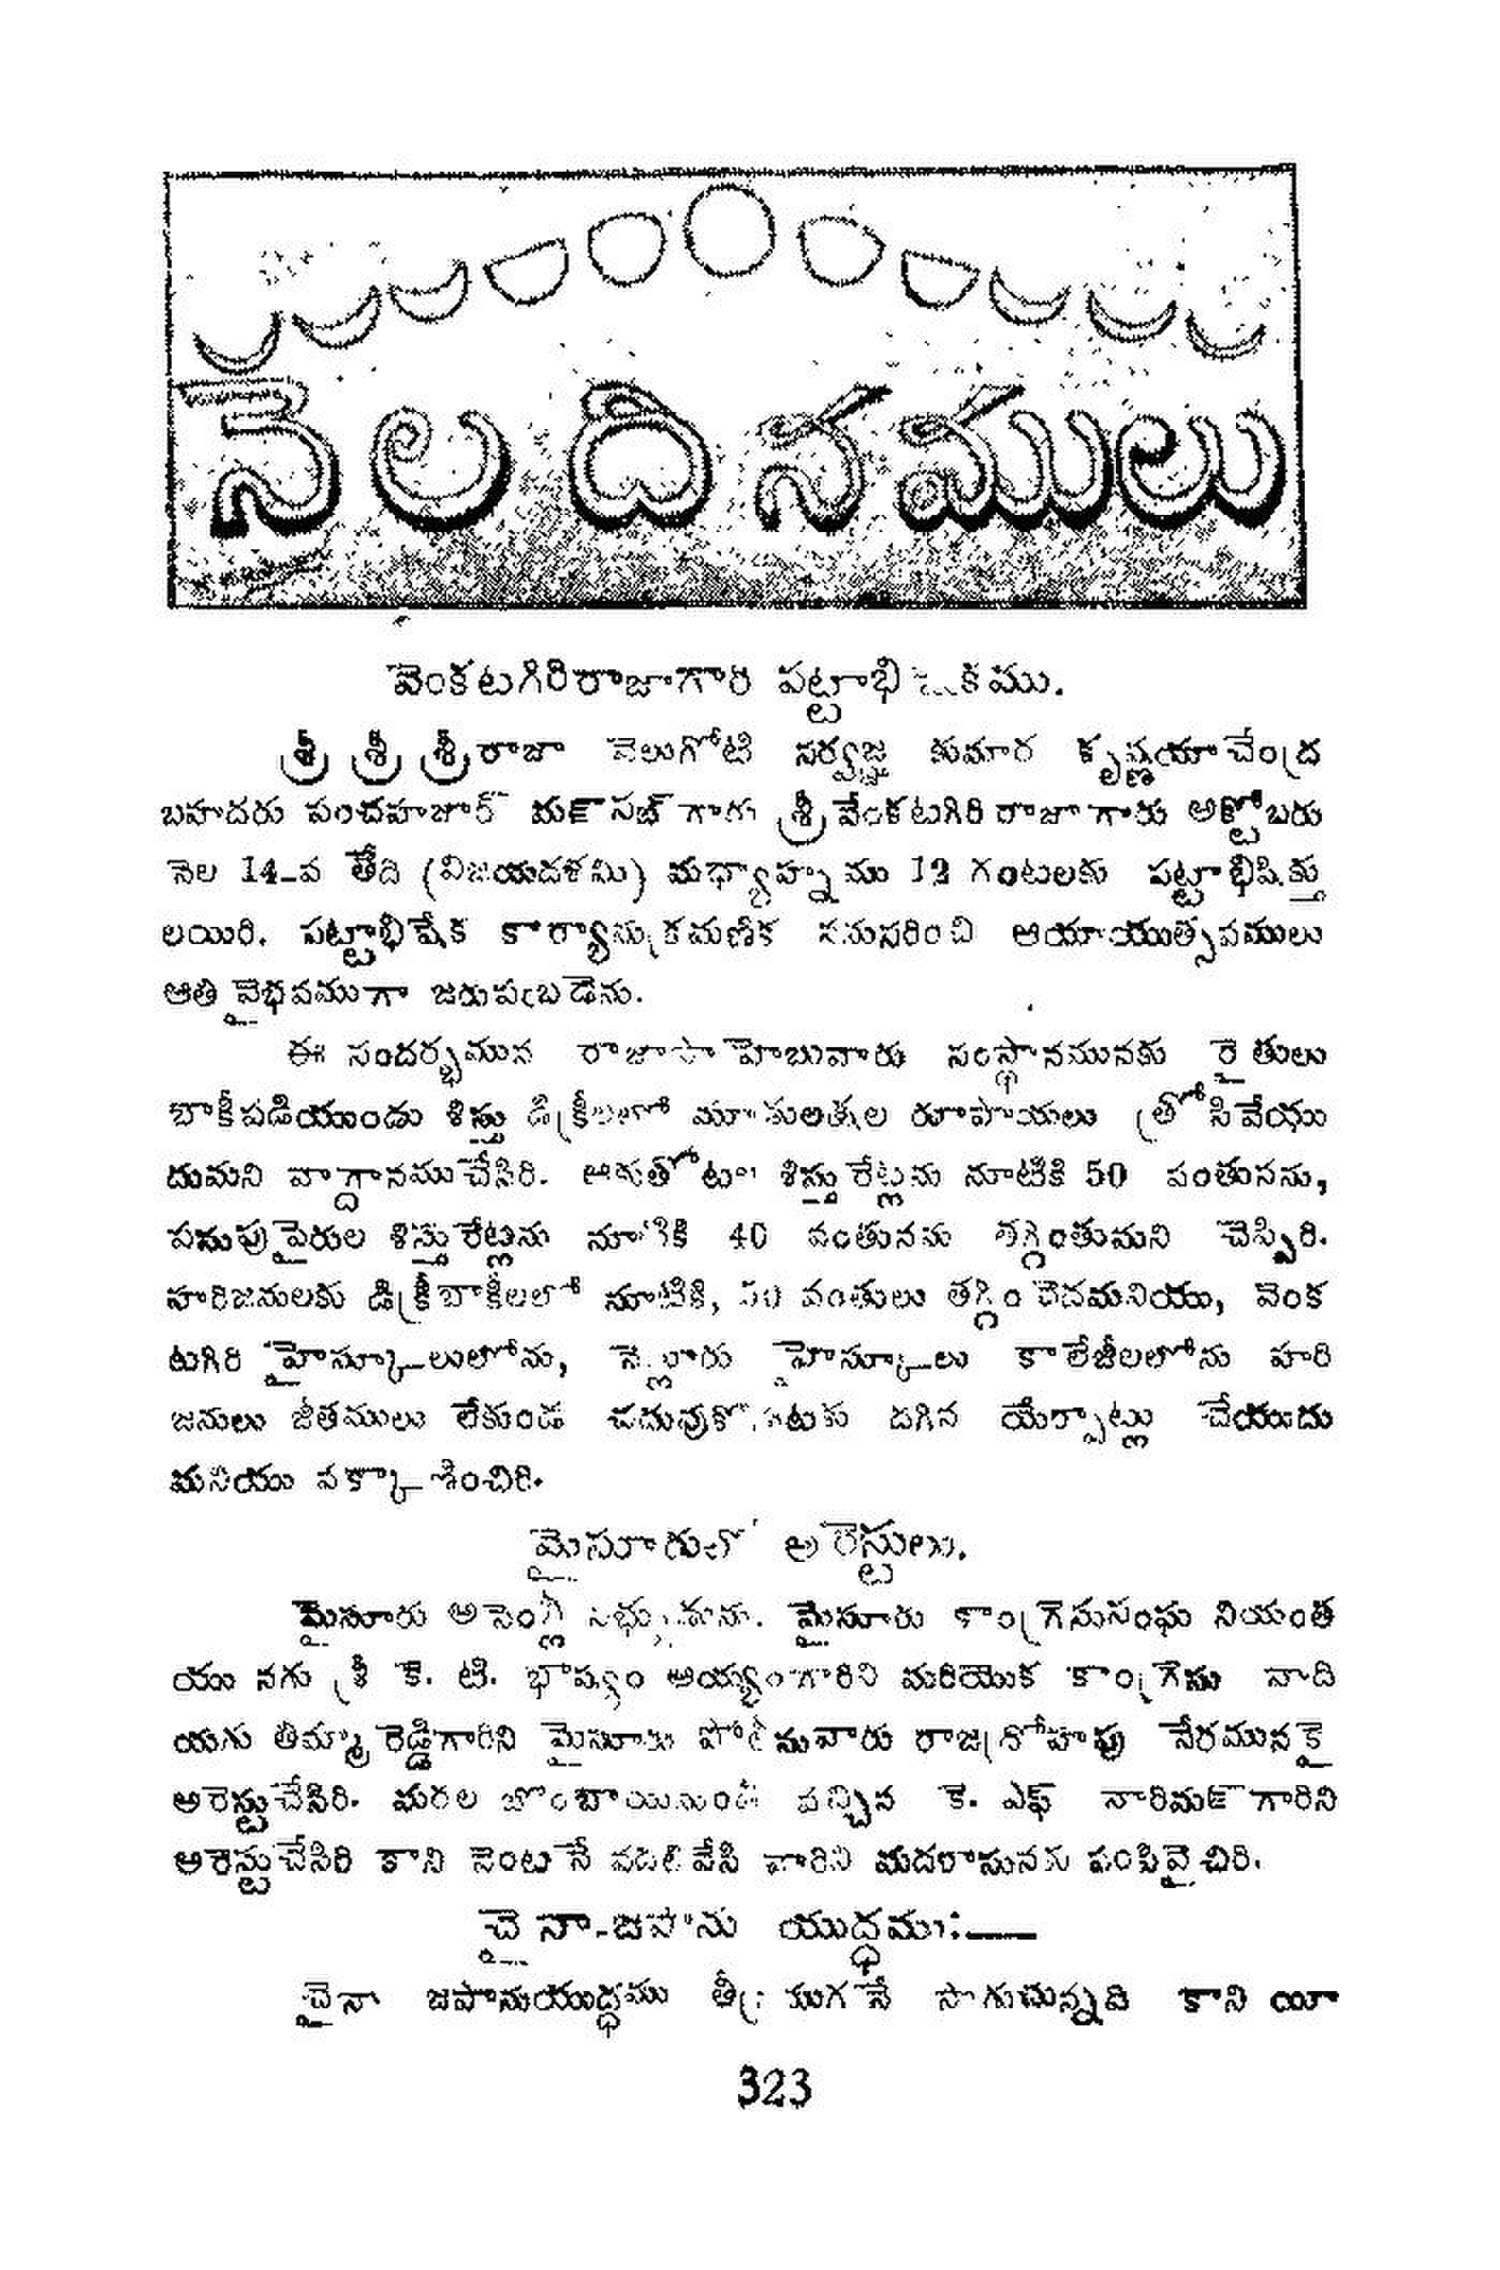వెంకటగిరిరాజాగారి పట్టాభిషేకము

 శ్రీ శ్రీ శ్రీరాజా వెలుగోటి సర్వజ్ఞ కుమార కృష్ణయాచేంద్ర బహదురు పంచహజార్ మన్ సబ్ గారు శ్రీ వేంకటగిరిరాజాగారు అక్టోబరు నెల 14-వ తేది (విజయదశమి) మధ్యాహ్నము 12 గంటలకు పట్టాభిషిక్తులయిరి. పట్టాభిషేక కర్యానుక్రమణిక ననుసరించి ఆయాయుత్సవములు అతి వైభవముగా జరుపబడెను.

 ఈ సందర్బమున రాజాసాహెబువారు సంస్థానమునకు రైతులు బాకీపడి యుండు శిస్తు డిక్రీలలో మూడులక్షల రూపాయలు త్రోసివేయుదుమని వాగ్దానము చేసిరి. ఆకుతోట శిస్తురేట్లను నూటికి 50 వంతునను పసుపుపైరుల శిస్తురేట్లను నూటికి 40 వంతునను తగ్గింతుమని చెప్పిరి. హరిజనులకు డిక్రీ బాకీలలో నూటికి, 50 వంతులు తగ్గించెదమనియూ, వెంకటగిరి హైస్కూలులోను, నెల్లూరు హైస్కూలు కాలేజీలలోను హరిజనులు జీతములు లేకుండ చదువుకొనుటకు దగిన యేర్పాట్లు చేయుదుమనియు వక్కణించిరి.

 మైసూరులో అరస్టులు.

 మైసూరు అసెంబ్లీ సభ్యుడును, మైసూరు కాంగ్రెసుసంఘ నియంతయు నగు శ్రీ కే.టి. భాష్యం అయ్యంగారిని మరియొక కాంగ్రెసు వాది యగు తిమ్మారెడ్దిగారిని మైసూరు పోలీసువారు రాజద్రోహపు నేరమునకై అరెస్ఠుచేసిరి. మరల బొంబాయినుంచి వచ్చిన కె.ఎఫ్ నారిమకొగారిని అరెస్టుచేసిరి. కాని వెంటనే వదలిచేసి వారిని మదరాసునకు పంపివైచిరి.

 చై నా.జపాను యుద్ధము:-

 చైనా జపానుయుద్ధము తీవ్రముగనే సాగుచున్నది. కాని యీ